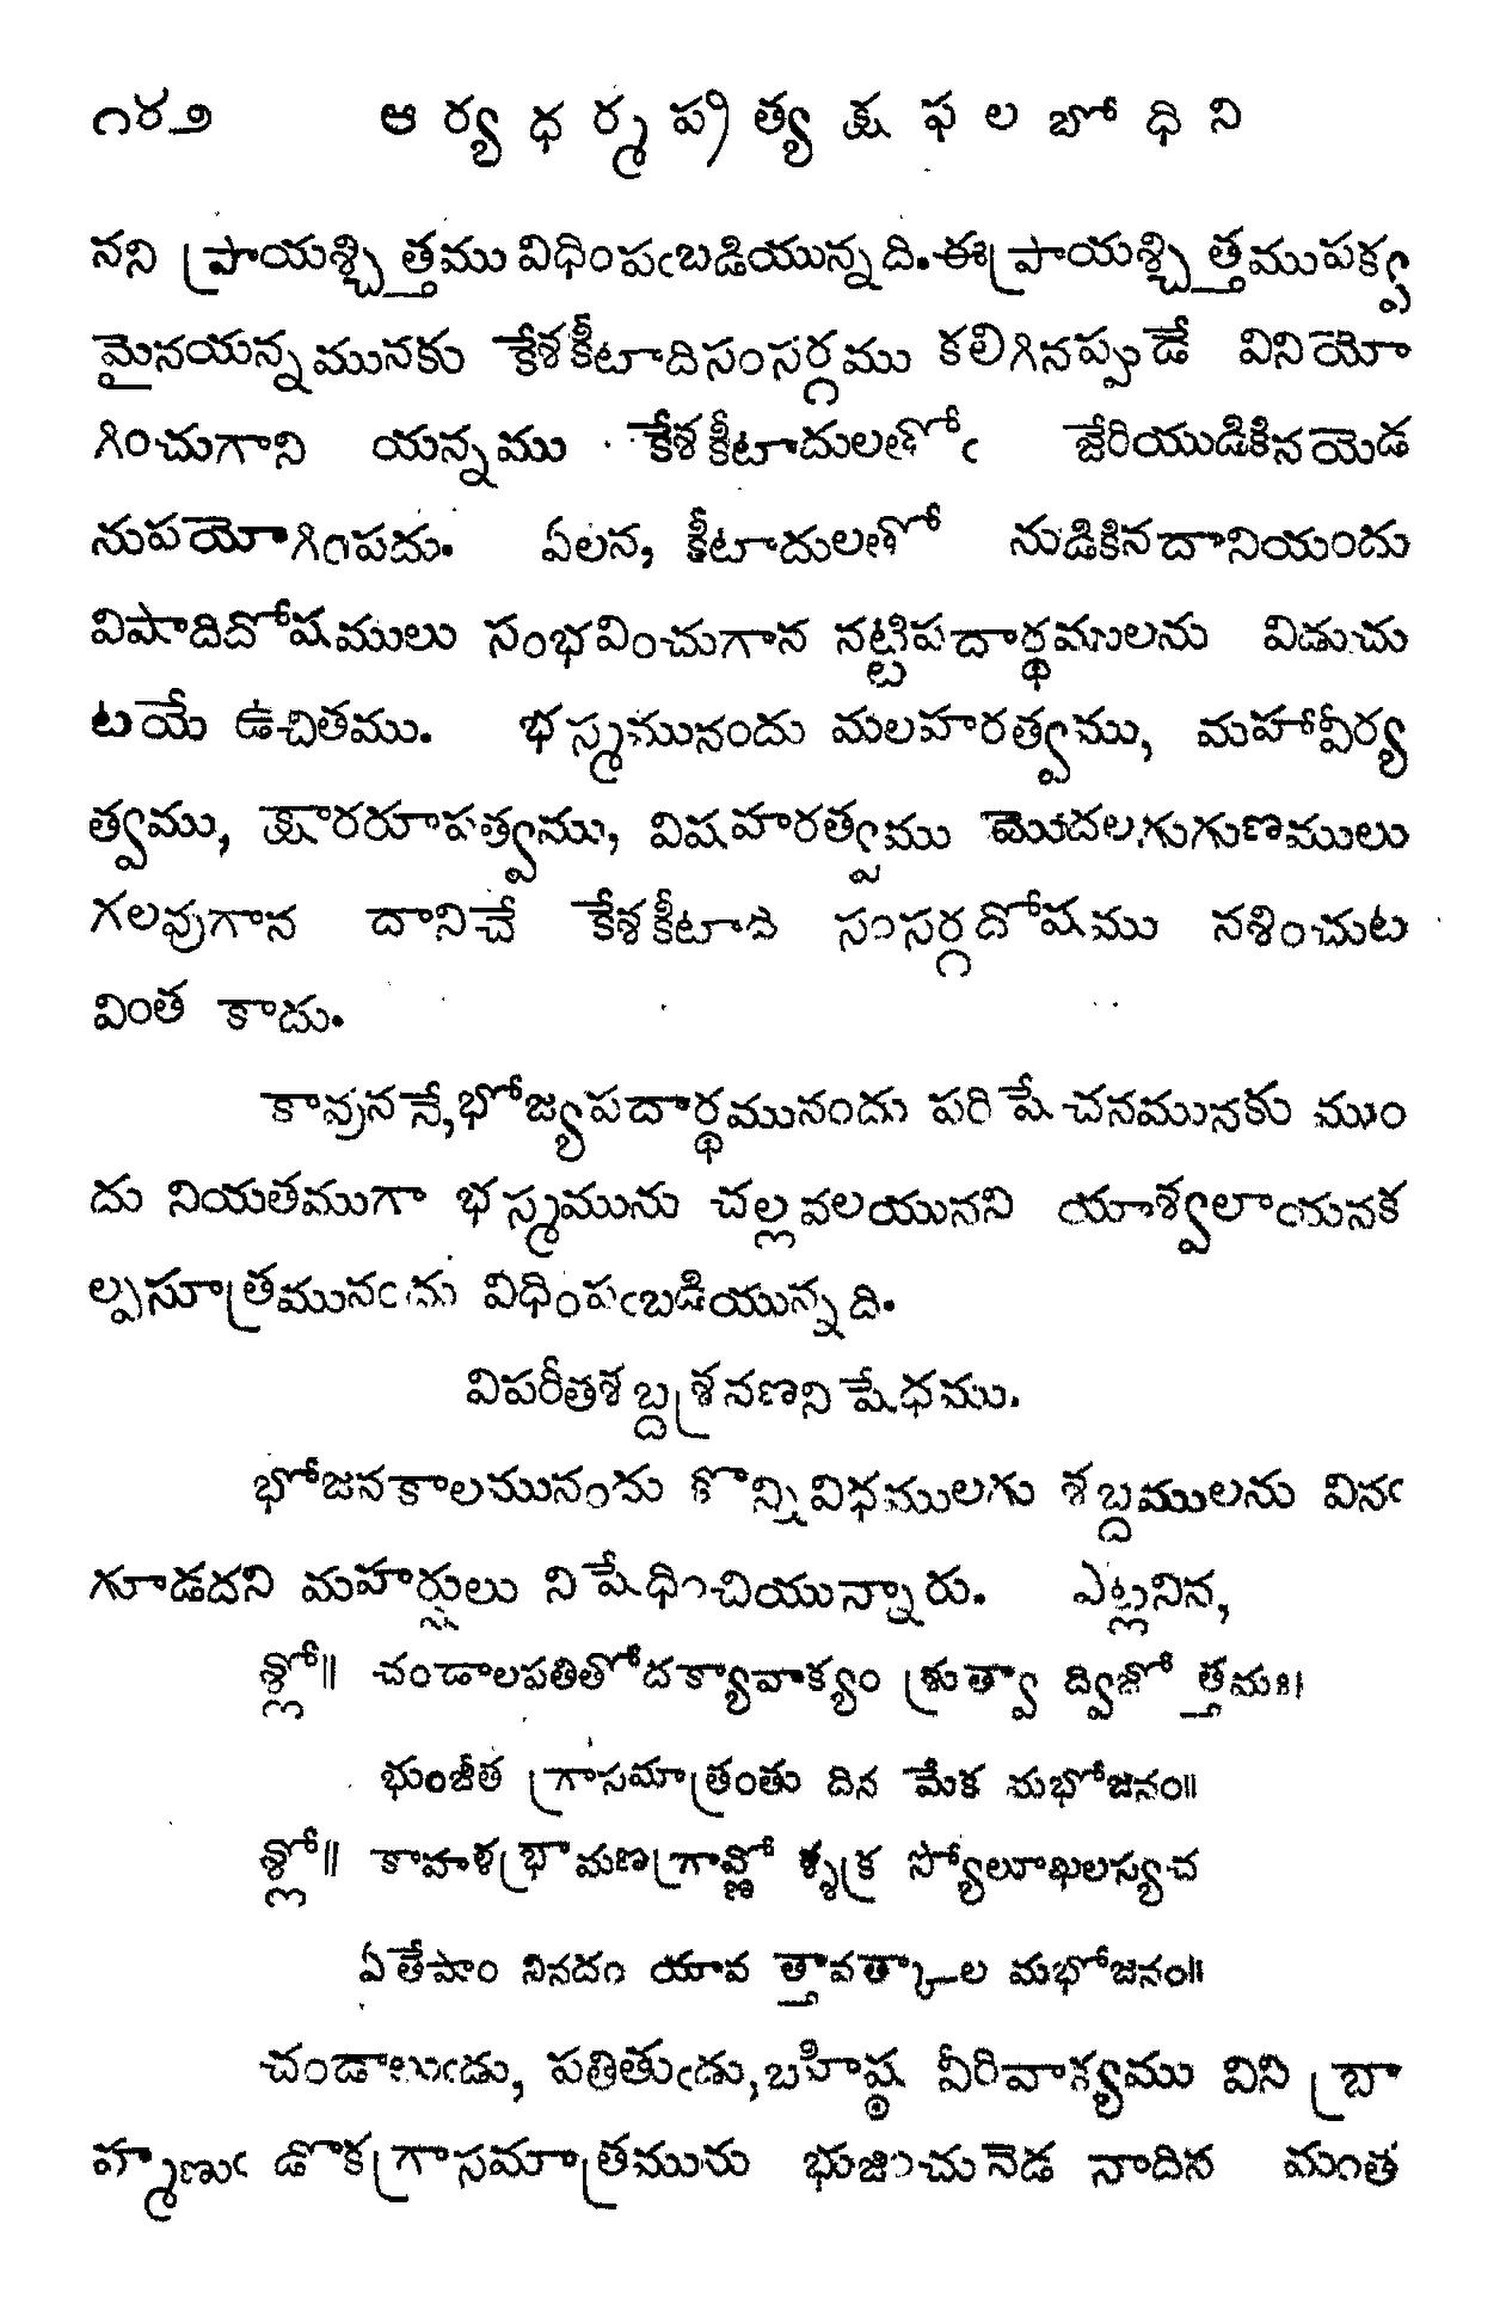నని ప్రాయశ్చిత్తమువిధింపఁబడియున్నది. ఈప్రాయశ్చిత్తముపక్వమైనయన్నమునకు కేశకీటాదిసంసర్గము కలిగినప్పుడే వినియోగించుగాని యన్నము కేశకీటాదులతోఁ జేరియుడికినయెడ నుపయోగింపదు. ఏలన, కీటాదులతో నుడికినదానియందు విషాదిదోషములు సంభవించుగాన నట్టిపదార్థములను విడుచుటయే ఉచితము. భస్మమునందు మలహరత్వము, మహావీర్యత్వము, క్షారరూపత్వము, విషహరత్వము మొదలగుగుణములు గలవుగాన దానిచే కేశకీటాది సంసర్గదోషము నశించుట వింత కాదు.

కావుననే, భోజ్యపదార్థమునందు పరిషేచనమునకు ముందు నియతముగా భస్మమును చల్లవలయునని యాశ్వలాయనకల్పసూత్రమునందు విధింపఁబడియున్నది.

భోజనకాలమునందు కొన్నివిధములగు శబ్దములను వినఁగూడదని మహర్షులు నిషేధించియున్నారు. ఎట్లనిన,

శ్లో॥ చండాలపతితోదక్యావాక్యం శ్రుత్వా ద్విజోత్తమః!
 భుంజీత గ్రాసమాత్రంతు దిన మేక మభోజనం॥

శ్లో॥ కాహళభ్రామణగ్రావ్ణో శ్శక్ర స్యోలూఖలస్యచ
 ఏతేషాం నినదం యావత్తావత్కాల మభోజనం॥

చండాలుఁడు, పతితుఁడు, బహిష్ఠ వీరివాక్యము విని బ్రాహ్మణుఁ డొకగ్రాసమాత్రమును భుజించునెడ నాదిన మంత